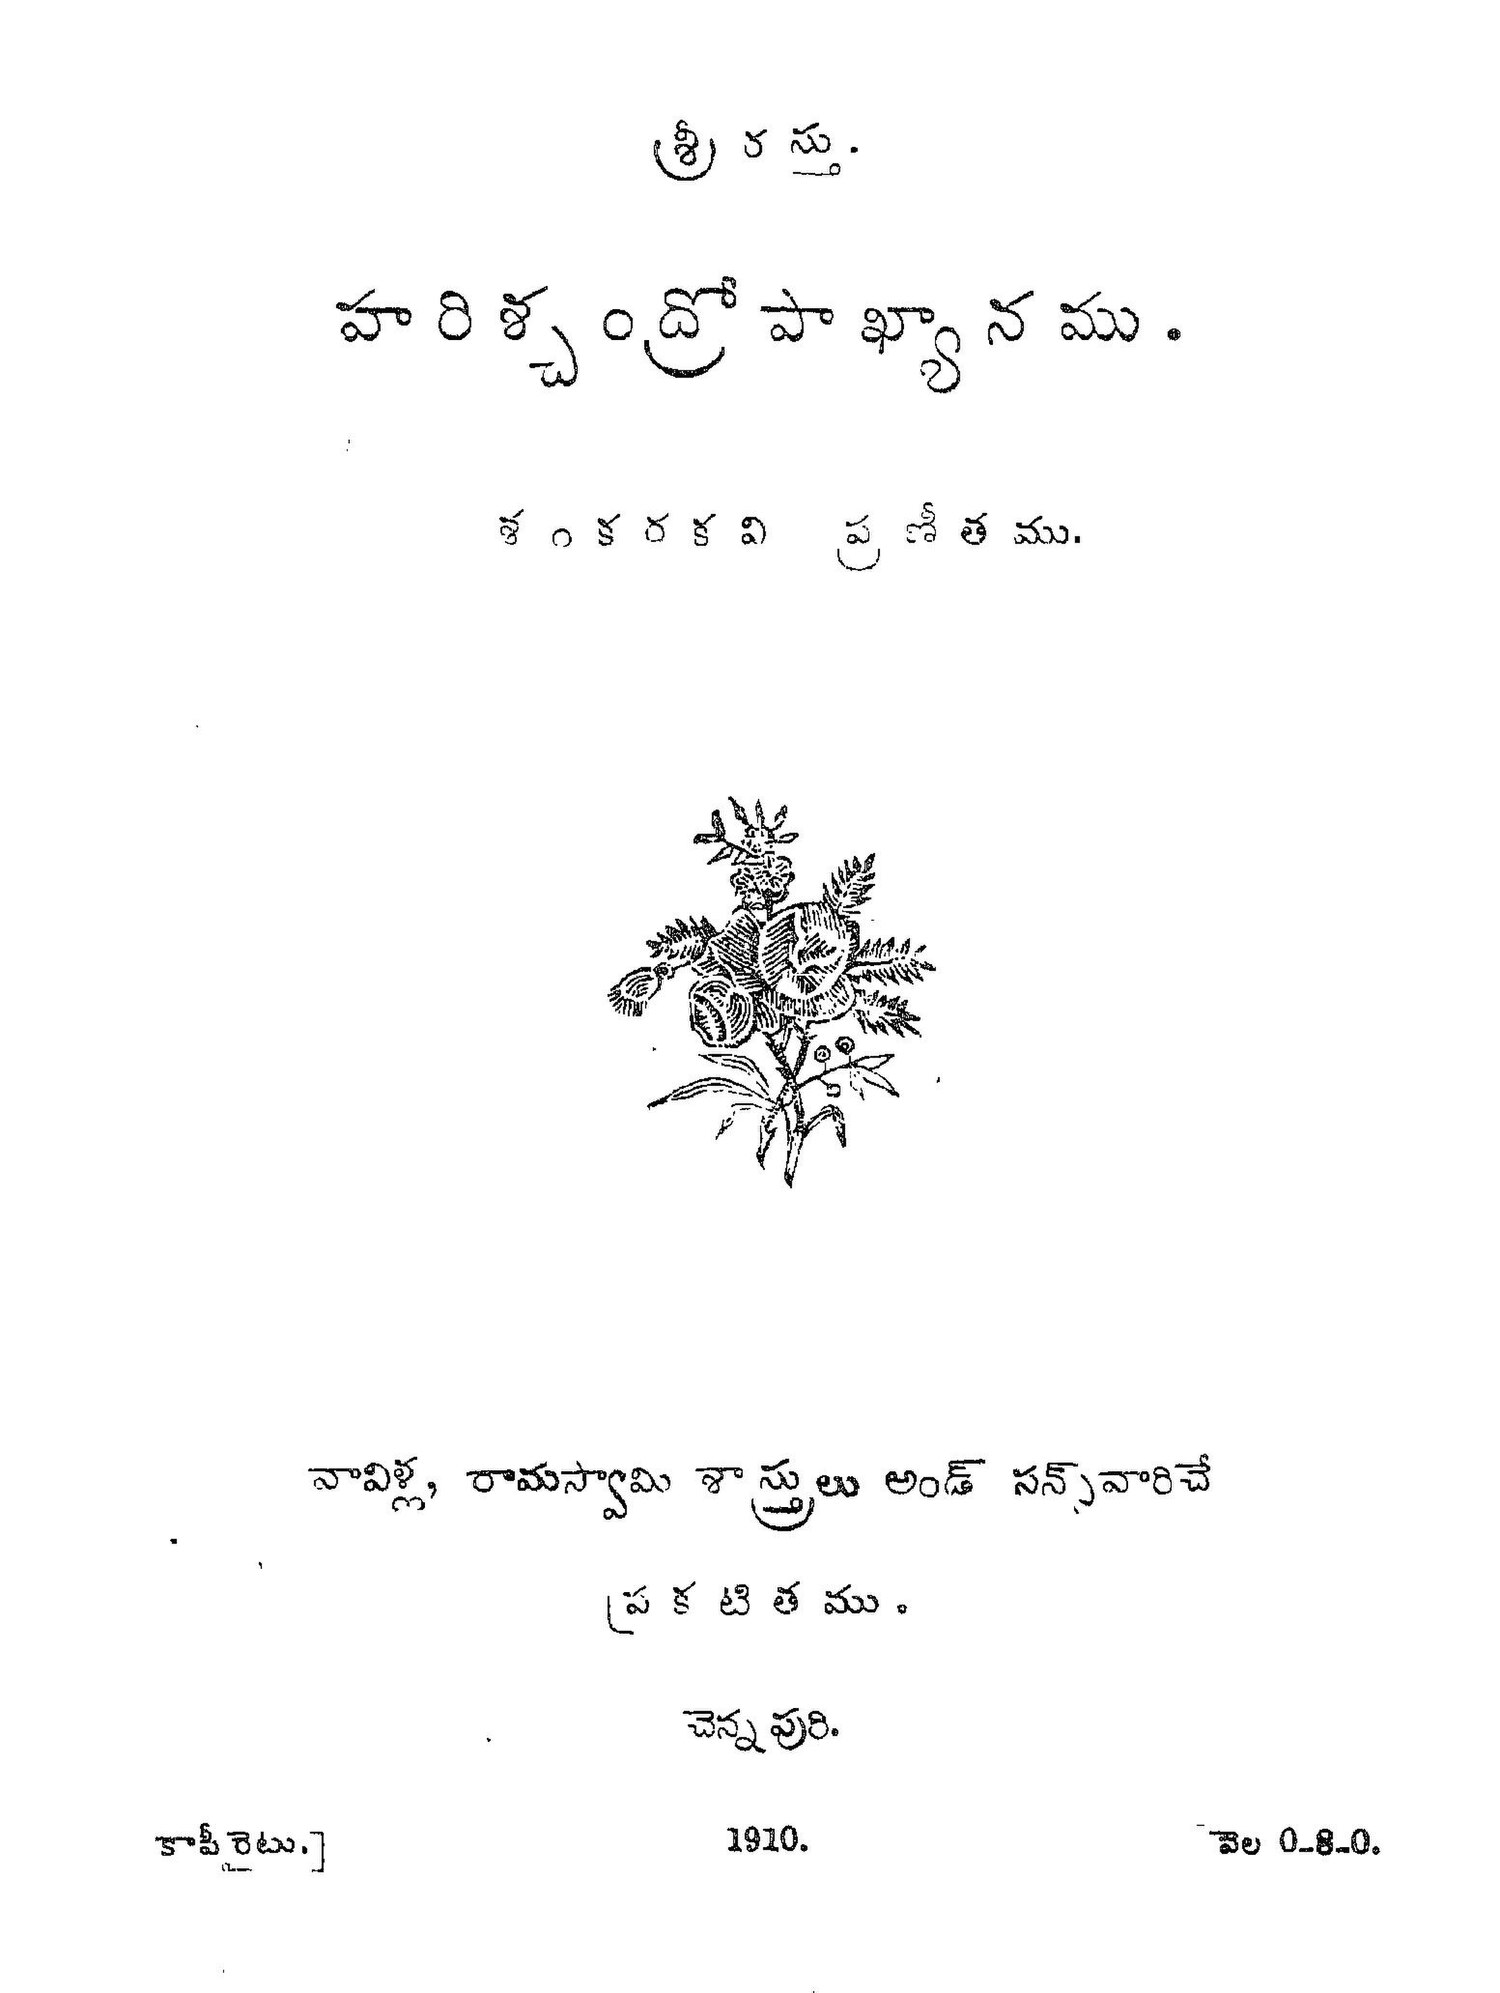హరిశ్చంద్రోపాఖ్యానము
శంకరకవి ప్రణీతము.

వావిళ్ల, రామస్వామి శాస్త్రులు అండ్ సన్స్ వారిచే